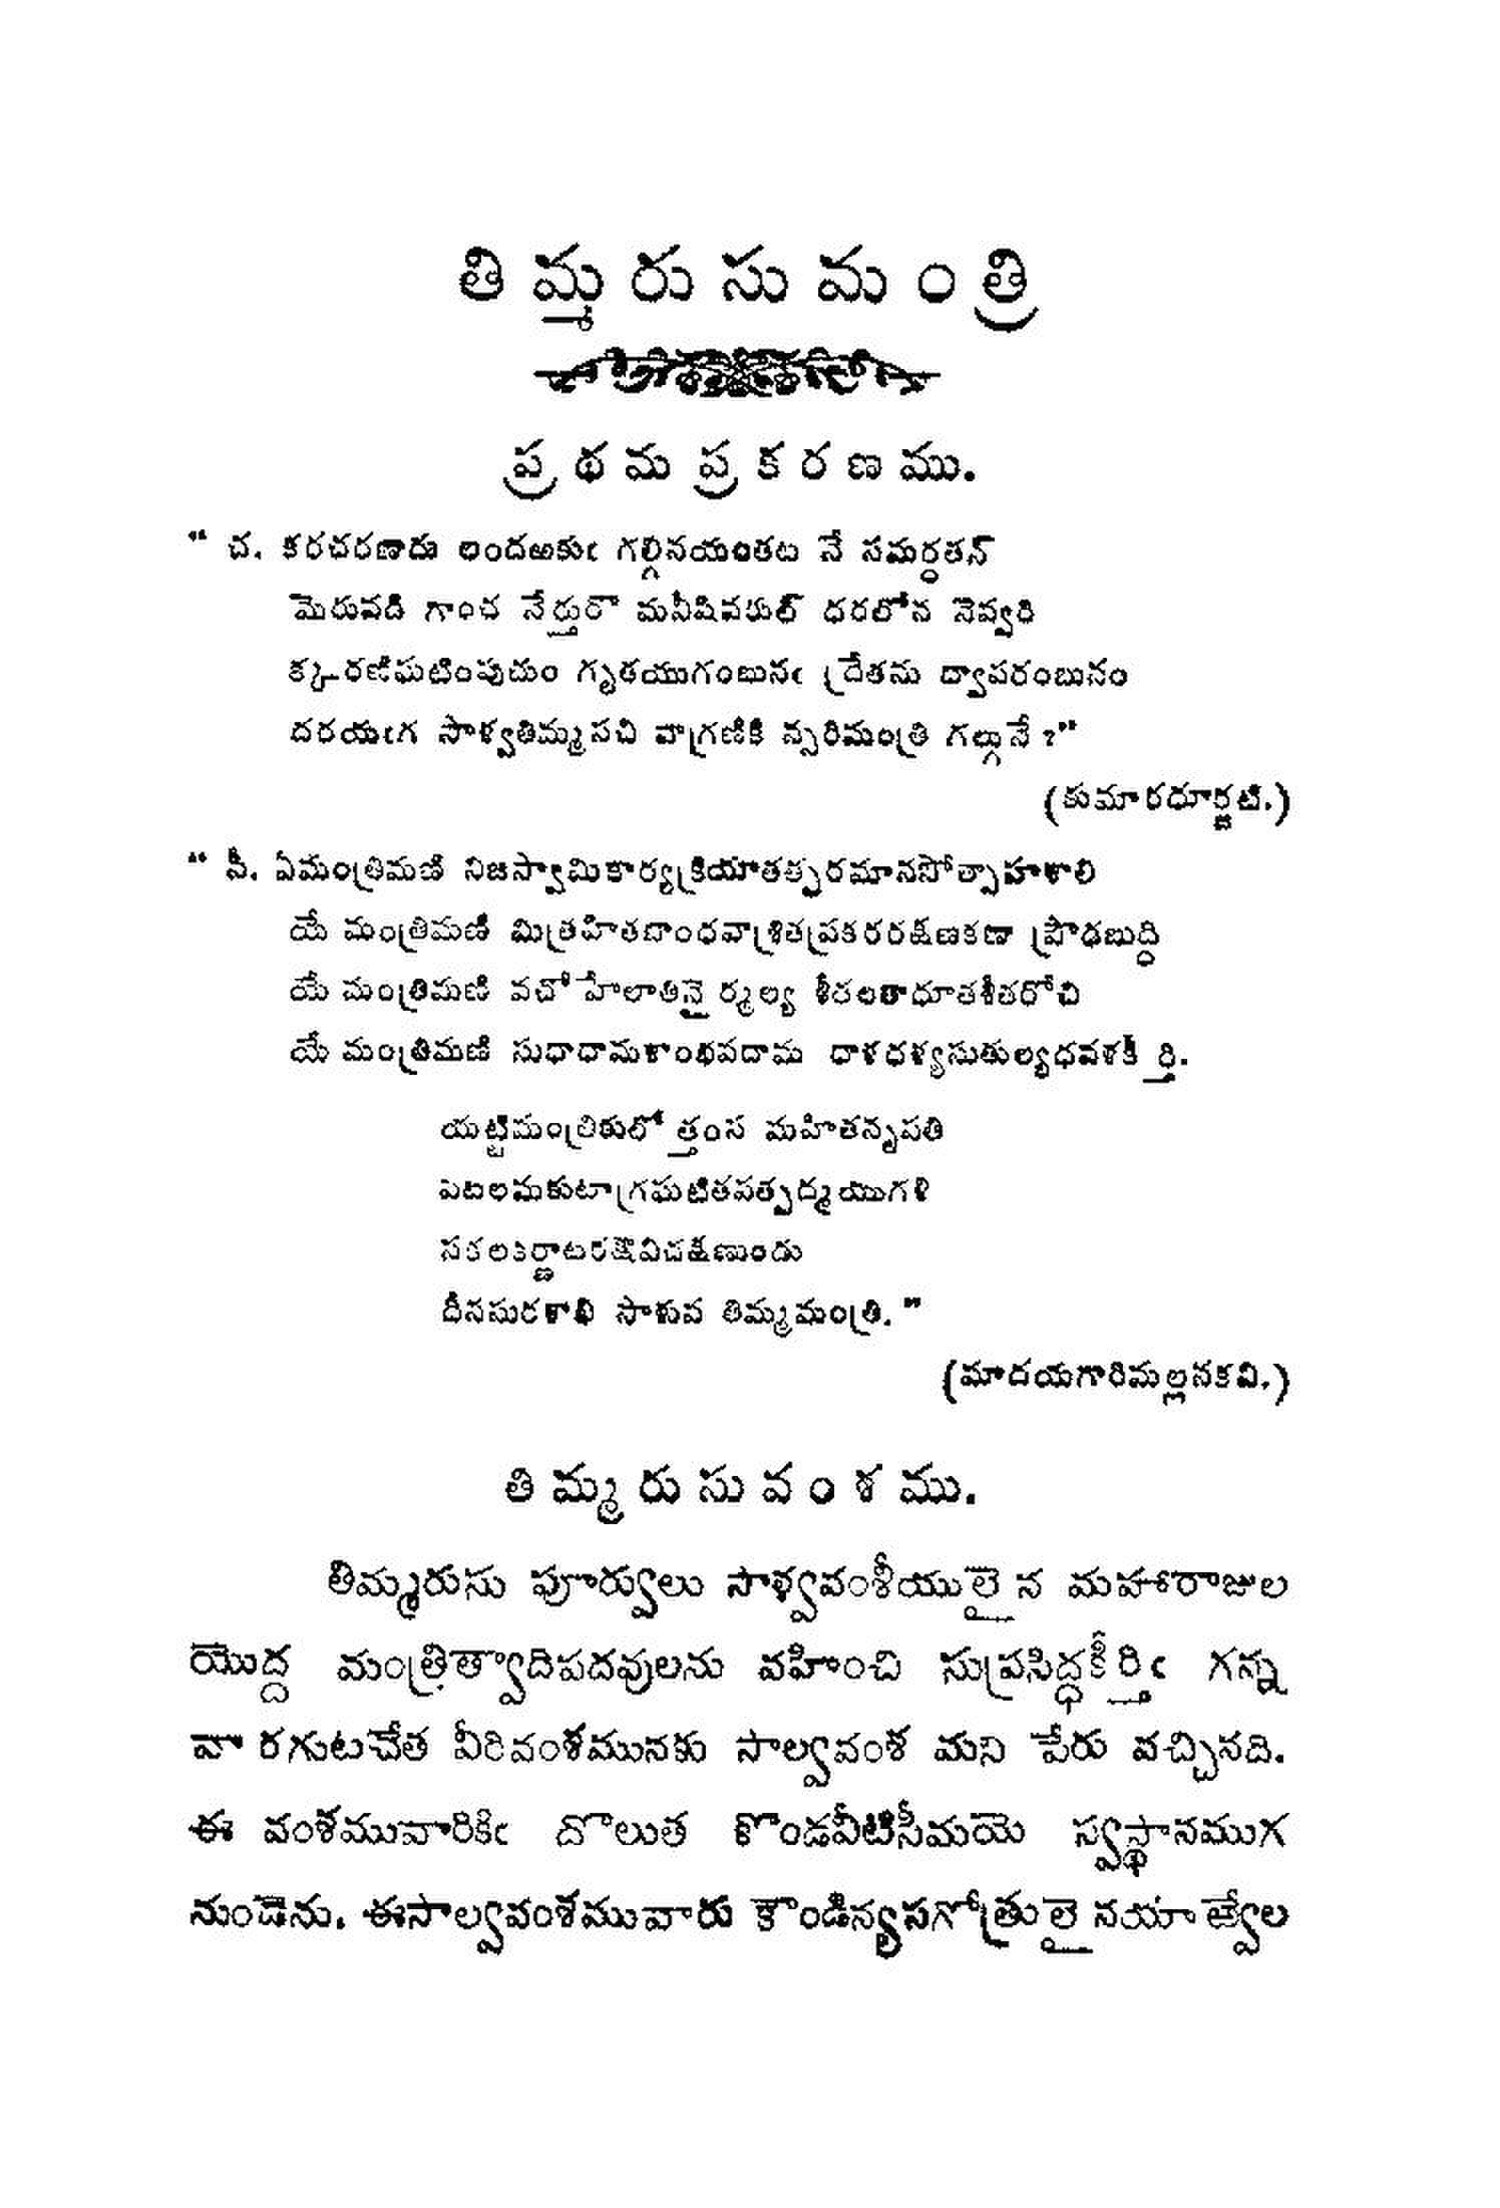తిమ్మరుసుమంత్రి
ప్రథమప్రకరణము.

"చ. కరచరణాదు లందఱకుఁ గల్గినయంతట నే సమర్ధతన్
 మెరువడి గాంచ నేర్తురొ మనీషివరుల్ ధరలోన నెవ్వరి 
 క్కరణిఘటింపుచుం గృతయుగంబునఁ ద్రేతను ద్వాపరంబునం 
 దరయఁగ సాళ్వతిమ్మసచి వాగ్రణికి స్సరిమంత్రి గల్గునే?"
 (కుమారధూర్జటి.) 

"సీ. ఏమంత్రిమణి నిజస్వామికార్యక్రియాతత్ఫరమానసోత్సాహశాలి
 యే మంత్రిమణి మిత్రహితబాంధవాశ్రితప్రకరరక్షణకణా ప్రౌడబుద్ది 
 యే మంత్రిమణి వచోహేలాతినై ర్మల్య శీతలతాధూతశీతరోచి 
 యే మంత్రిమణి సుధాధామశాంభవదామ ధాళధళ్యసుతుల్యధవళకీర్తి.

 యట్టిమంత్రికులోత్తంస మహితనృపతి 
 పటలమకుటాగ్రఘటితపత్పద్మయుగళి 
 సకలకర్ణాటరక్షావిచక్షణుండు 
 దీనసురశాభి సాళువ తిమ్మమంత్రి."
 (మాదయగారిమల్లనకవి.)
తిమ్మరుసువంశము.

తిమ్మరుసు పూర్వులు సాళ్వవంశీయులైన మహారాజుల యొద్ద మంత్రిత్వాదిపదవులను వహించి సుప్రసిద్ధకీర్తిఁ గన్న వా రగుటచేత వీరివంశమునకు సాల్వవంశ మని పేరు వచ్చినది. ఈ వంశమువారికిఁ దొలుత కొండవీటిసీమయె స్వస్థానముగ నుండెను. ఈసాల్వవంశమువారు కౌండిన్యసగోత్రులైనయాఱ్వేల